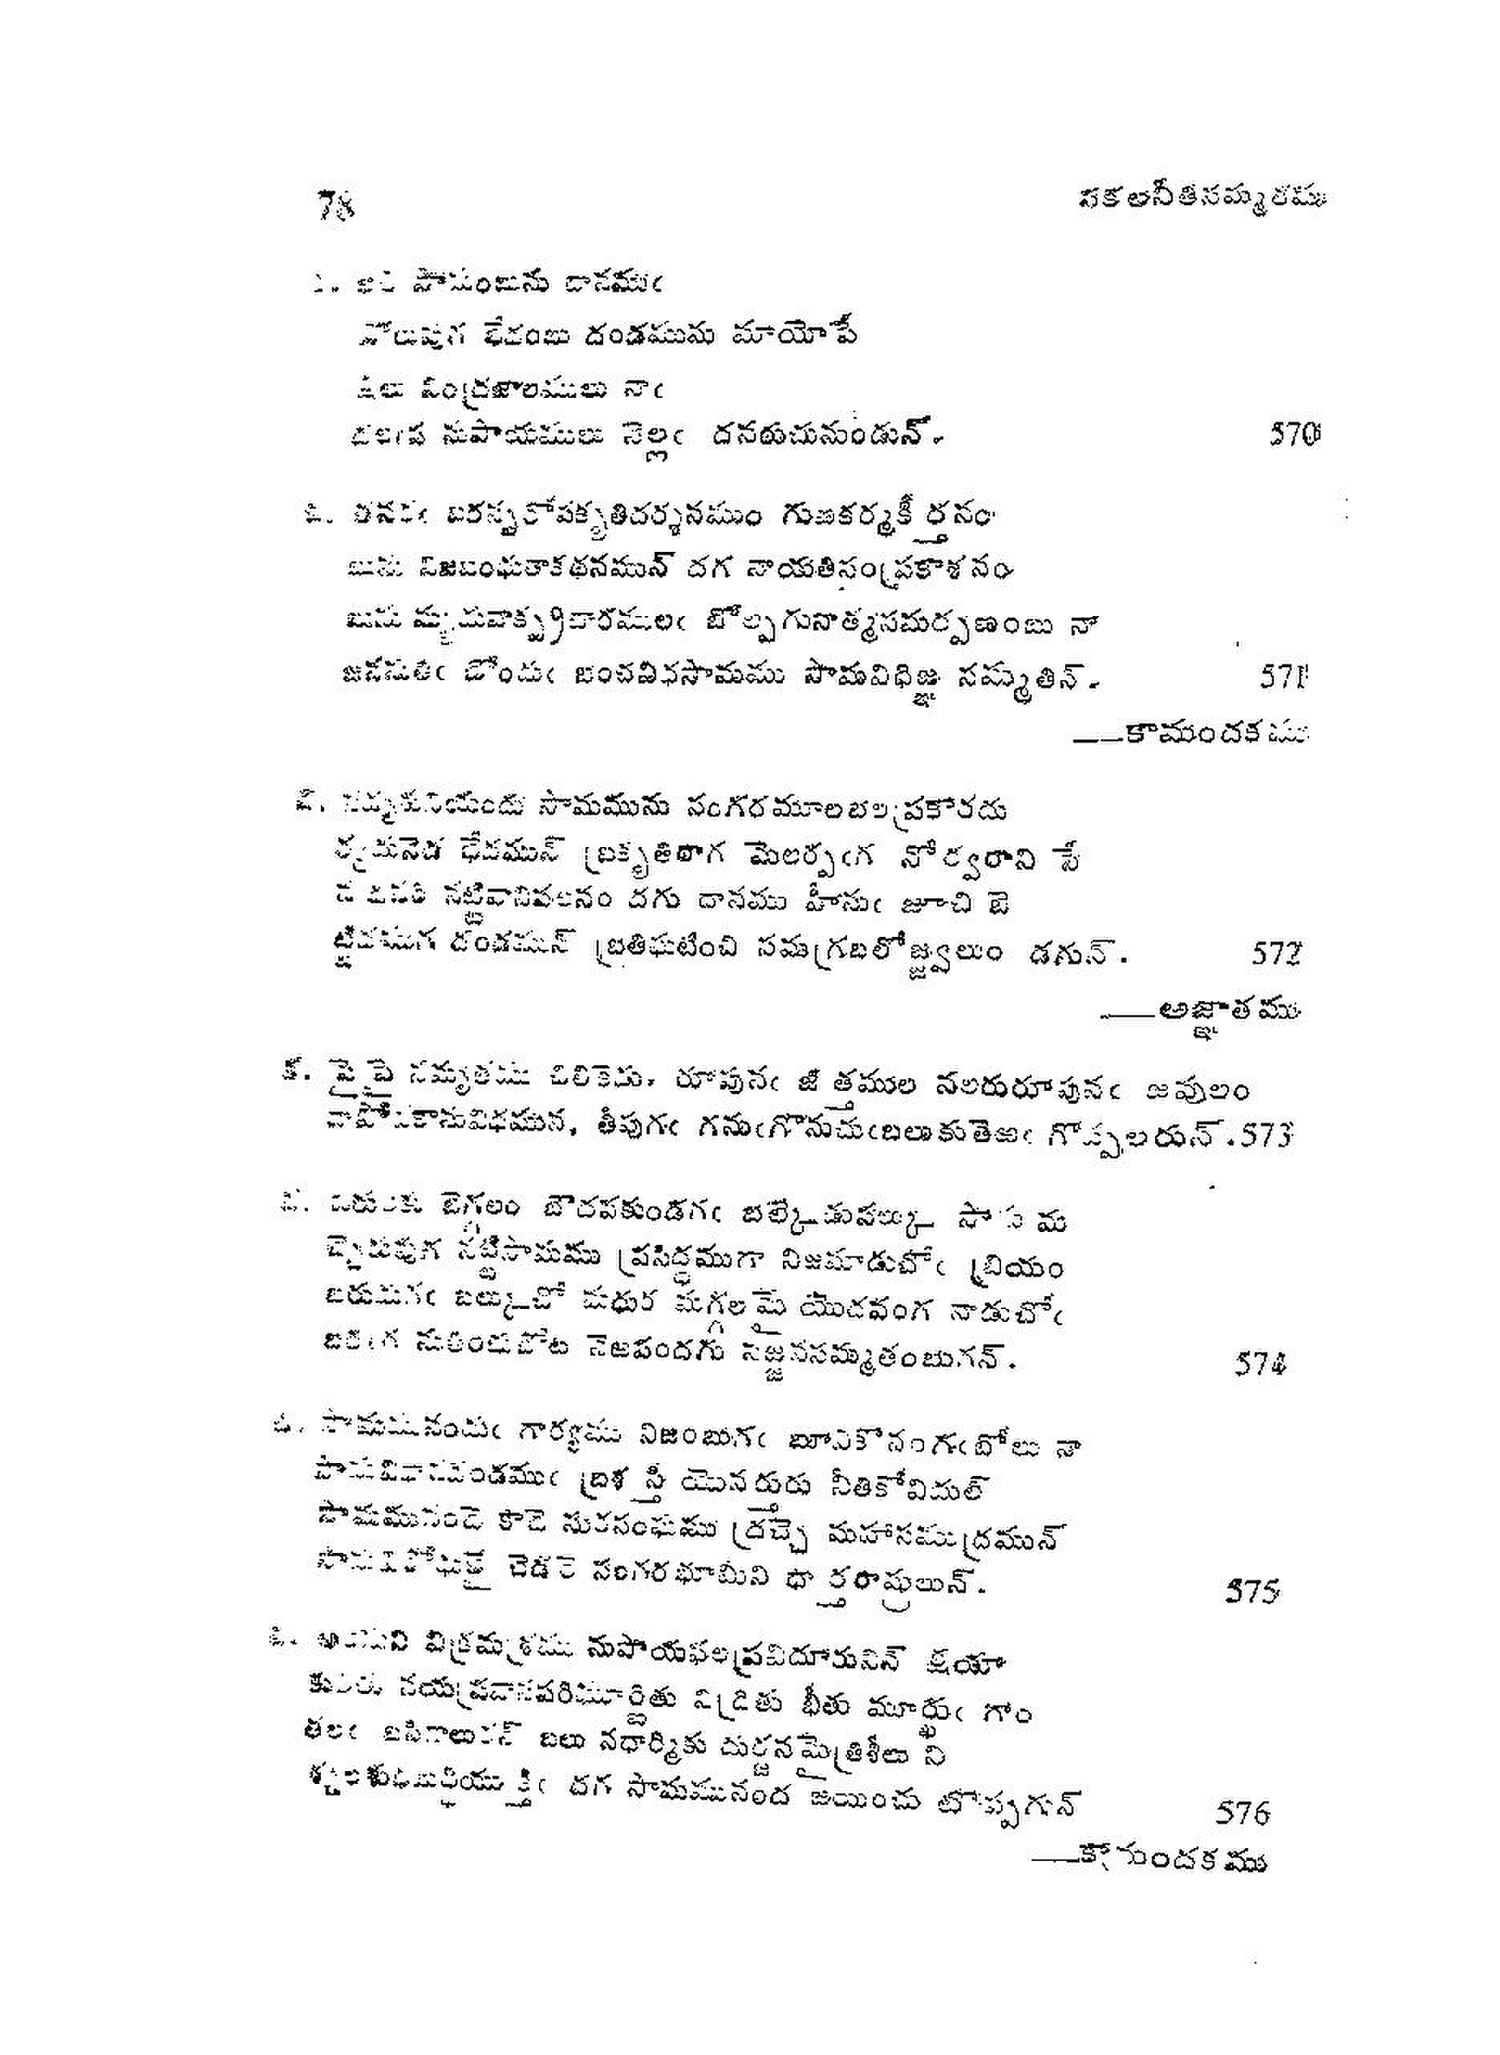క. లలి సామంబును దానముఁ
బొలుపుగ భేదంబు దండమును మాయోపే
క్షలు నింద్రజాలములు నాఁ
దలఁప నుపాయములు నెల్లఁ దనరుచునుండున్. 570

చ. తనరఁ బరస్పరోపకృతిదర్శనముం గుణకర్మకీర్తనం
బును నిజబంధుతాకథనమున్ దగ నాయతిసంప్రకాశనం
బును మృదువాక్ప్రచారములఁ బోల్పగు నాత్మసమర్పణంబు నా
జననుతిఁ బొందుఁ బంచవిధసామము సామవిధిజ్ఞ సమ్మతిన్. 571

చ. సదృశునియందు సామమును సంగరమూలబలప్రకారదు
ర్మదునెడ భేదమున్ బ్రకృతిరాగ మెలర్పఁగ నోర్వరాని సే
న దనరి నచ్చివానివలనం దగు దానము హీనుఁ జూచి బె
ట్టిదముగ దండమున్ బ్రతిఘటించి సమగ్రబలోజ్జ్వలుం డగున్. 572

క. పైపై నమృతము చిలికెడు
రూపునఁ జిత్తముల నలరురూపునఁ జవులం
దాపోవకానువిధమున
తీపుగఁ గనుఁగొనుచుఁ బలుకుతెఱఁగొ ప్పలరున్. 573

చ. ఒరులకు బెగ్గలం బొదవకుండగఁ బల్కెడు సామ మ
చ్చెరువుగ నట్టిసామము ప్రసిద్ధముగా నిజమాడుచోఁ బ్రియం
బరుదుగఁ బల్కుచో మధుర మగ్గలమై యొదవంగ నాడుచోఁ
బరఁగ నుతించుచోట నెఱపందగు సజ్జనసమ్మతంబుగన్. 574

ఉ. సామమునందుఁ గార్యము నిజంబుగఁ బూనికొనంగఁబోలు నా
సామవిధానదండముఁ బ్రశస్తి యొనర్తురు నీతికోవిదుల్
సామమునందె కాదె సురసంఘము ద్రచ్చె మహాసముద్రమున్
సామవిరోధులై చెడరె సంగరభూమిని ధార్తరాష్ట్రులున్. 575

చ. అలసుని విక్రమశ్రము నుపాయఫలప్రనిదూరునిన్ క్షయా
కులితు నయప్రవాసపరిఘూర్ణితు నిద్రితు భీతు మూర్ఖుఁ గాం
తలఁ బసిబాలురన్ బలు నధార్మికు దుర్జనమైత్రిశీలు ని
శ్చలశుభబుద్ధియుక్తిఁ దగ సామమునంద జయించు టొప్పగున్. 576